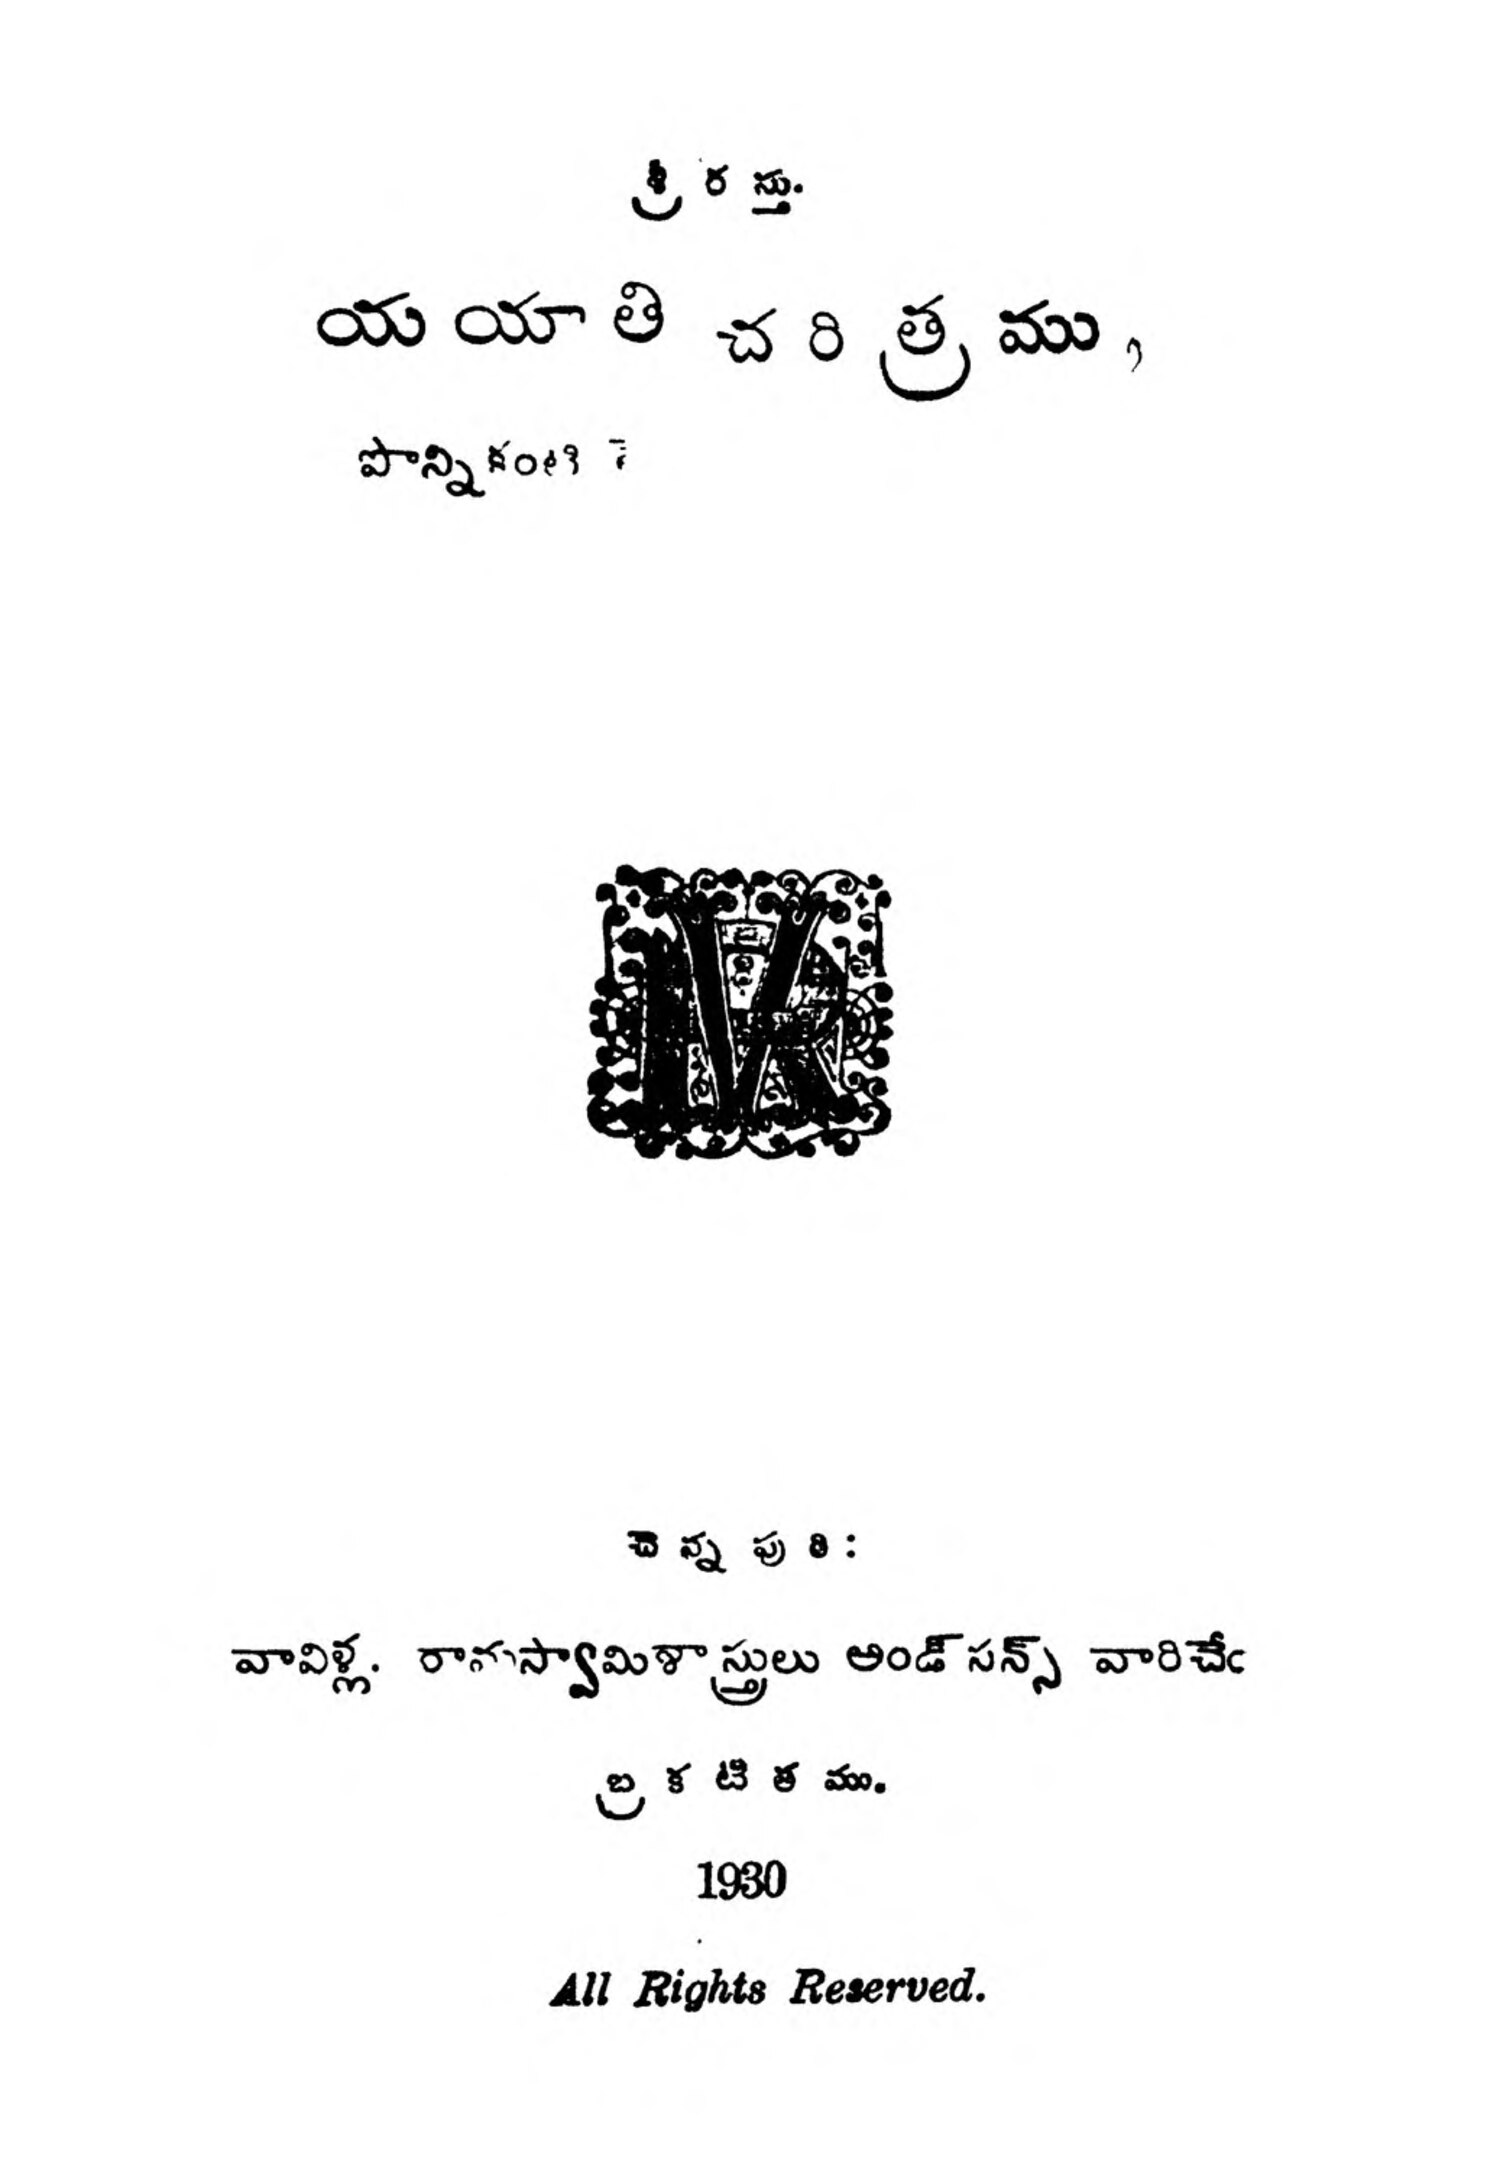యయాతిచరిత్రము
పొన్నికంటి తెలగన్న

వావిళ్ల. రామస్వామిశాస్త్రులు అండ్ సన్స్ వారిచేఁ